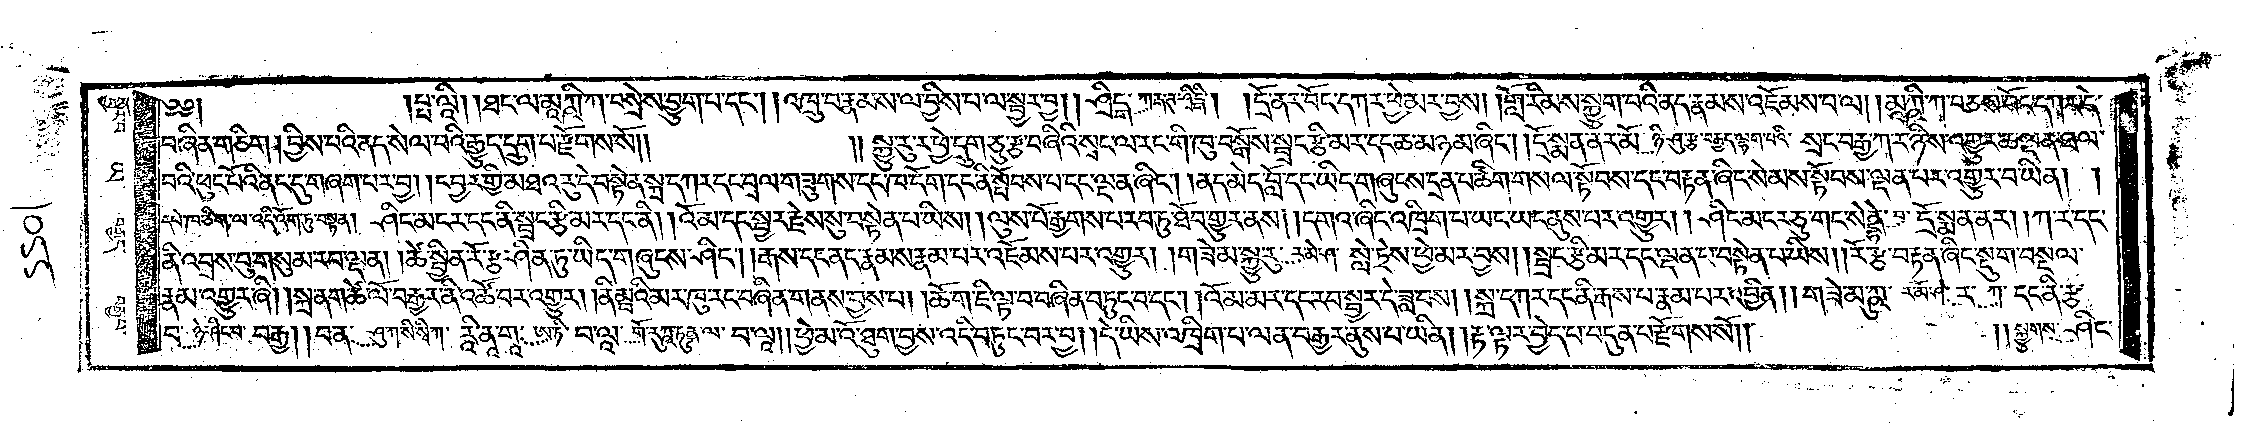༄༅། །པྤ་ལཱི། །ཐང་ལ་མཱཀྵི་ཀ་བསྲེས་བྱུག་པ་དང་། །འཁྲུ་བ་རྣམས་ལ་བྱིས་པ་ལ་སྦྱར་བྱ། །ཤྲིངྒ་ཀརྒ་ཊ་ཤྲིདགི། །དྲོ་ནར་བོང་དཀར་ཕྱེ་མར་བྱས། །གློ་རིམས་སྐྱུག་བའི་ནད་རྣམས་འཇོམས་བ་ལ། །མཱཀྵི་ཀ་བཅས་སོང་དཀར་དེ་
བཞིན་གཅིག །བྱིས་པའི་ནད་སེལ་བའི་རྒྱུད་དྲུག་པ་རྫོགས་སོ།། །།སྐྱུ་རུ་ར་ཕྱེ་དྲུག་ཅུ་རྩ་བཞིའི་སྲང་ལ་རང་གི་ཁུ་བསྒོས་སྦྲང་རྩི་མར་དང་ཆ་མཉམ་ཞིང་། །དྲོ་སྨན་ནར་མོ་ཉི་ཤུ་རྩ་བརྒྱད་ལྷག་པའི་སྲང་བརྒྱ་ཀ་ར་ཉིས་འགྱུར་ཆ་ལྡན་ཐལ་
བའི་ཕུང་པོའི་ནང་དུ་གཞག་པར་བྱ། །དབྱར་གྱི་མཐའ་རུ་དེ་བསྟེན་སྐྲ་དཀར་དང་བྲལ་གཟུགས་དང་ཁ་དོག་དང་ནི་སྤོབས་པ་དང་ལྡན་ཞིང་། །ནད་མེད་བློ་དང་ཡིད་གཞུངས་དྲན་པ་ཚིག་གསལ་སྟོབས་དང་བརྟན་ཞིང་སེམས་སྟོབས་ལྡན་པར་འགྱུར་བ་ཡིན། །
དཔེ་ཁ་ཅིག་ལ་འདི་འོག་ཏུ་བསྟན། ཤིང་མངར་དང་ནི་སྦྲང་རྩི་མར་དང་ནི། །འོ་མ་དང་སྦྱར་རྗེས་སུ་བསྟེན་པ་ཡིས། །ལུས་པོ་རྒྱགས་པ་རབ་ཏུ་ཐོབ་གྱུར་ནས། །དགའ་ཞིང་འཁྲིག་པ་ཡང་ཡང་ནུས་པར་འགྱུར།། ཤིང་མངར་ཅུ་གང་སེནྡྷེ་བ་དྲོ་སྨན་ནར། །ཀ་ར་དང་
ནི་འབྲས་བུ་གསུམ་རབ་ལྡན། །ཚེ་སྦྱིན་རོ་རྩ་ཤིན་ཏུ་ཡིད་གཞུངས་ཤིང་། །རྒས་དང་ནད་རྣམས་རྣམ་པར་འཇོམས་པར་འགྱུར། །གཟེ་མ་སྐྱུ་རུ་ར་མེ་ཤ་སླེ་ཏྲེས་ཕྱེ་མར་བྱས། །སྦྲང་རྩི་མར་དང་ལྡན་པ་བསྟེན་པ་ཡིས། །རོ་རྩ་བརྟན་ཞིང་སྡུག་བསྔལ་
རྣམ་འགྱུར་ཞིང་། །སྐྲ་ནག་ཚེ་ལོ་བརྒྱར་ནི་འཚོ་བར་འགྱུར། །ནིམ་བའི་མར་ཁུ་རང་བཞིན་གནས་བྱས་པ། །ཆོ་ག་ཇི་ལྟ་བ་བཞིན་བཏུང་བ་དང་། །འོ་མ་མར་དང་རབ་སྦྱར་དེ་ཟླ་བས། །སྐྲ་དཀར་དང་ནི་རྒས་པ་རྣམ་པར་འབྱིན། །གཟེ་མ་ཀྵུ་ར་མོ་ཤེ་ར་ཀ་དང་ནི་རྩ་
བ་ཉེ་ཤིང་བ་བརྒྱ། །བ་ན་ཤུ་ཀ་སི་སྭི་ཀ་རཱི་ནཱ་གཱ་ཨ་ཏི་བ་ལཱ་གོ་རུཀྵ་ཏནྜྱུ་ལ་བ་ལཱ། །ཕྱེ་མ་འོ་ཐུག་བྱས་འདི་བཏུང་བར་བྱ། །དེ་ཡིས་འཁྲིག་པ་ལན་བརྒྱར་ནུས་པ་ཡིན། །རྟ་ལྟར་བྱེད་པ་བདུན་པ་རྫོགས་སོ།། །།སྐྱུགས་ཤིང་